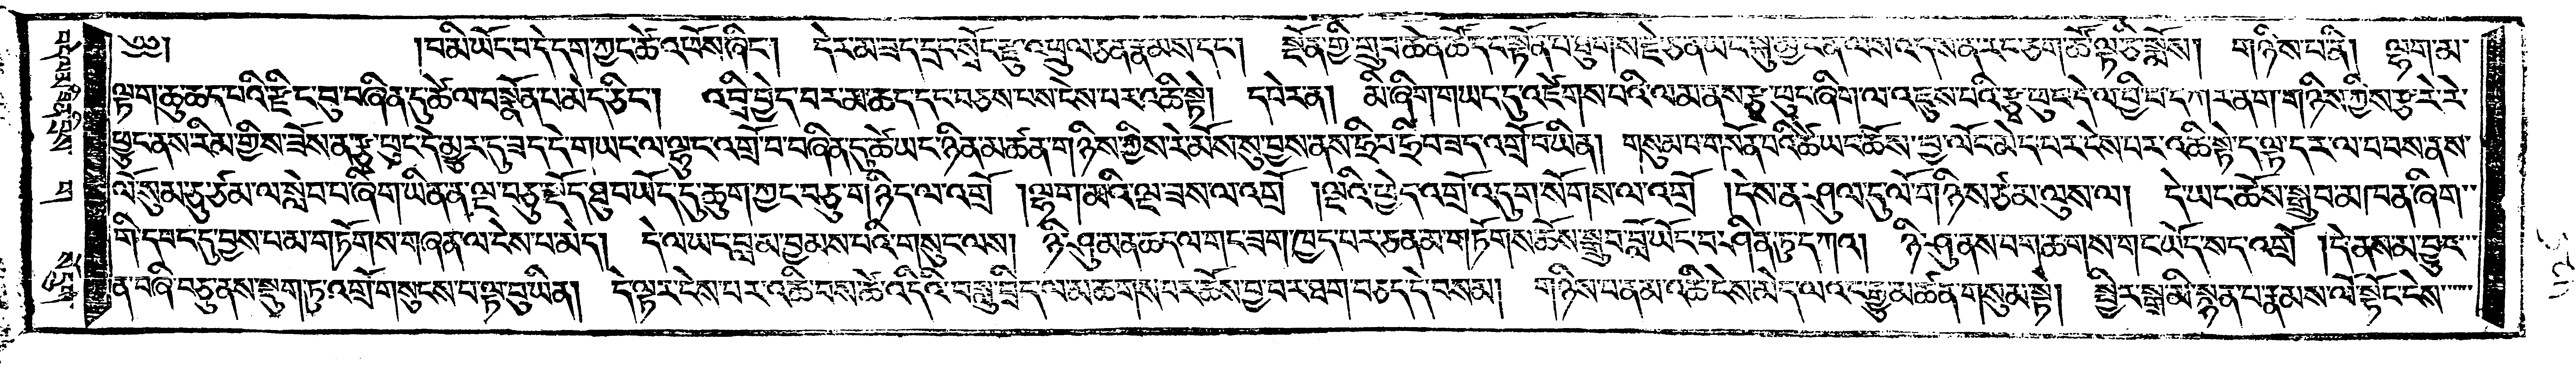༄༅། །བ་མི་ཡོང་བ་དེ་དག་ཀྱང་ཚེ་འཕོས་ཞིང་། དེར་མ་ཟད་དྲང་སྲོང་རྫུ་འཕྲུལ་ཅན་རྣམས་དང་། སྔོན་གྱི་གྲུབ་ཆེན་ཚོ་དང་སྟོན་པ་ཐུགས་རྗེ་ཅན་ཡང་སྐུ་མྱ་ངན་ལས་འདས་ན་རང་ཅག་ཚེ་ལྟ་ཅི་སྨོས། གཉིས་པ་ནི། ལྷག་མ་
ལྟག་ཆུ་ཆད་པའི་རྫིང་བུ་བཞིན་དུ་ཚེལ་བསྣོན་བ་མེད་ཅིང་། འབྲི་བྱེད་བར་མ་ཆད་དང་བཅས་པས་ངེས་པར་འཆི་སྟེ། དཔེར་ན། མི་ཞིག་གཡང་དུ་འཛེགས་པའི་ལམ་ནས་རྩྭ་ཕུང་ཞིག་ལ་འཇུས་པའི་རྩྭ་ཕུང་དེ་ལ་བྱི་བ་དཀར་ནག་གཉིས་ཀྱིས་རྩ་རེ་རེ་
ཕྱུང་ནས་རིམ་གྱིས་ཟོས་ན་རྩྭ་ཕུང་དེ་མྱུར་དུ་ཟང་དེ་གཡང་ལ་ལྷང་འགྲོ་བ་བཞིན་དུ་ཚེ་ཡང་ཉིན་མཚན་གཉིས་ཀྱིས་རེ་མོས་སུ་བྱས་ནས་ཧྲིབ་ཧྲིབ་ཟད་འགྲོ་བ་ཡིན། གསུམ་བ་གསོན་བའི་ཚེ་ཡང་ཆོས་བྱ་ལོང་མེད་བར་ངེས་པར་འཆི་སྟེ་ད་ལྟ་དར་ལ་བབས་ནས་
ལོ་སུམ་ཅུ་ཙམ་ལ་སླེབ་པ་ཞིག་ཡིན་ན་ལྔ་བཅུ་སྡོད་ཐུབ་ཡོད་དུ་ཆུག་ཀྱང་བཅུ་གཉིད་ལ་འགྲོ་།ལྷག་མའི་ལྔ་ཟས་ལ་འགྲོ་།ལྔའི་ཕྱེད་འགྲོ་འདུག་སོགས་ལ་འགྲོ་།དེས་ན་ཤུལ་དུ་ལོ་གཉིས་ཙམ་ལུས་ལ། དེ་ཡང་ཆོས་སྒྲུབ་མཁན་ཞིག་
གི་དབང་དུ་བྱས་པ་མ་གཏོགས་གཞན་ལ་ངེས་པ་མེད། དེ་ལ་ཡང་བླ་མ་བྱམས་བའི་གསུང་ལས། ཉི་ཤུ་མན་ཆད་ལ་གང་ཟག་ཁྱད་པར་ཅན་མ་གཏོགས་ཆོས་སྒྲུབ་བློ་ཡོང་བ་ཤིན་ཏུ་དཀའ། ཉི་ཤུ་ནས་བག་ཆགས་གང་ཡོད་སད་འགྲོ་།དེ་ནས་མ་བྱུང་
ན་བཞི་བཅུ་ནས་སྡུག་ཏུ་འགྲོ་གསུངས་པ་ལྟ་བུ་ཡིན། དེ་ལྟར་ངེས་པར་འཆི་བས་ཚེ་འདིའི་བསླུ་བྲིད་ལ་མ་ཆགས་པར་ཆོས་བྱ་བར་ཐག་བཅད་དེ་བསམ། གཉིས་པ་ནམ་འཆི་ངེས་མེད་ལའང་རྒྱུ་མཚན་གསུམ་སྟེ། སྤྱིར་སྒྲ་མི་སྙན་པ་རྣམས་ལོ་སྟོང་ངེས་